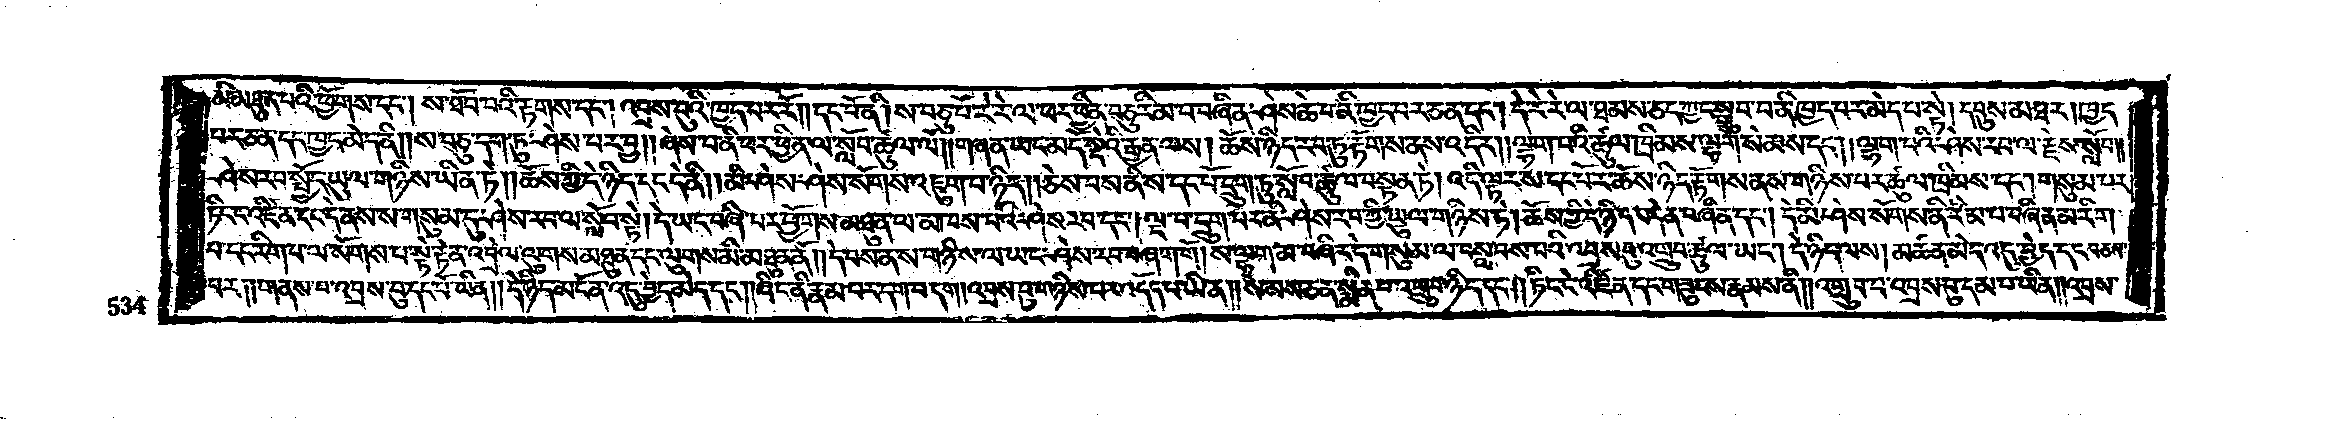མི་མཐུན་པའི་ཕྱོགས་དང་། ས་ཐོབ་པའི་རྟགས་དང་། འབྲས་བུའི་ཁྱད་པར་རོ། །དང་པོ་ནི། ས་བཅུ་པོ་རེ་རེ་ལ་ཕར་ཕྱིན་བཅུ་རིམ་པ་བཞིན་ཤས་ཆེ་བ་ནི་ཁྱད་པར་ཅན་དང་། དེ་རེ་རེ་ལ་ཐམས་ཅད་ཀྱང་སྒྲུབ་པ་ནི་ཁྱད་པར་མེད་པ་སྟེ། དབུས་མཐར། ཁྱད་
པར་ཅན་དང་ཁྱད་མེད་ནི། །ས་བཅུ་དག་ཏུ་ཤེས་པར་བྱ། །ཞེས་པ་ནི་ཕར་ཕྱིན་ལ་སློབ་ཚུལ་ལོ། །གཞན་ཡང་མདོ་སྡེའི་རྒྱན་ལས། ཆོས་ཉིད་རབ་ཏུ་རྟོགས་ནས་འདིར། །ལྷག་པའི་ཚུལ་ཁྲིམས་ལྷག་སེམས་དང་། །ལྷག་པའི་ཤེས་རབ་ལ་རྗེས་སློབ།།
ཤེས་རབ་སྤྱོད་ཡུལ་གཉིས་ཡིན་ཏེ། །ཆོས་ཀྱི་དེ་ཉིད་དང་དེ་ནི། །མི་ཤེས་ཤེས་སོགས་འཇུག་པ་ཉིད། །ཅེས་པས་ནི་ས་དང་པོ་དྲུག་ཏུ་སློབ་ཚུལ་བསྟན་ཏེ། འདི་ལྟར་ས་དང་པོར་ཆོས་ཉིད་རྟོགས་ནས་གཉིས་པར་ཚུལ་ཁྲིམས་དང་། གསུམ་པར་
ཏིང་ངེ་འཛིན་དང་དེ་ནས་ས་གསུམ་དུ་ཤེས་རབ་ལ་སློབ་སྟེ། དེ་ཡང་བཞི་པར་ཕྱོགས་མཐུན་ལ་མཁས་པའི་ཤེས་རབ་དང་། ལྔ་པ་དྲུག་པར་ནི་ཤེས་རབ་ཀྱི་ཡུལ་གཉིས་ཏེ། ཆོས་ཀྱི་དེ་ཉིད་བདེན་བཞིན་དང་། དེ་མི་ཤེས་སོགས་ནི་རིམ་པ་བཞིན་མ་རིག་
པ་དང་རིག་པ་ལ་སོགས་པ་སྟེ་རྟེན་འབྲེལ་ལུགས་མཐུན་དང་ལུགས་མི་མཐུན་ནོ། །དེ་བས་ན་ས་གཉིས་ལ་ཡང་ཤེས་རབ་བཞག་གོ །ས་ལྷག་མ་བཞིར་དེ་གསུམ་ལ་བསླབས་པའི་འབྲས་བུ་འགྲུབ་ཚུལ་ཡང་། དེ་ཉིད་ལས། མཚན་མེད་འདུ་བྱེད་དང་བཅས་
པར། །གནས་པ་འབྲས་བུ་དང་པོ་ཡིན། །དེ་ཉིད་མངོན་འདུ་བྱེད་མེད་དང་། །ཞིང་ནི་རྣམ་པར་དག་པ་དག །འབྲས་བུ་གཉིས་པར་འདོད་པ་ཡིན། །སེམས་ཅན་སྨིན་པ་འགྲུབ་ཉིད་དང་། །ཏིང་ངེ་འཛིན་དང་གཟུངས་རྣམས་ནི། །འགྲུབ་པ་འབྲས་བུ་དམ་པ་ཡིན། །འབྲས་